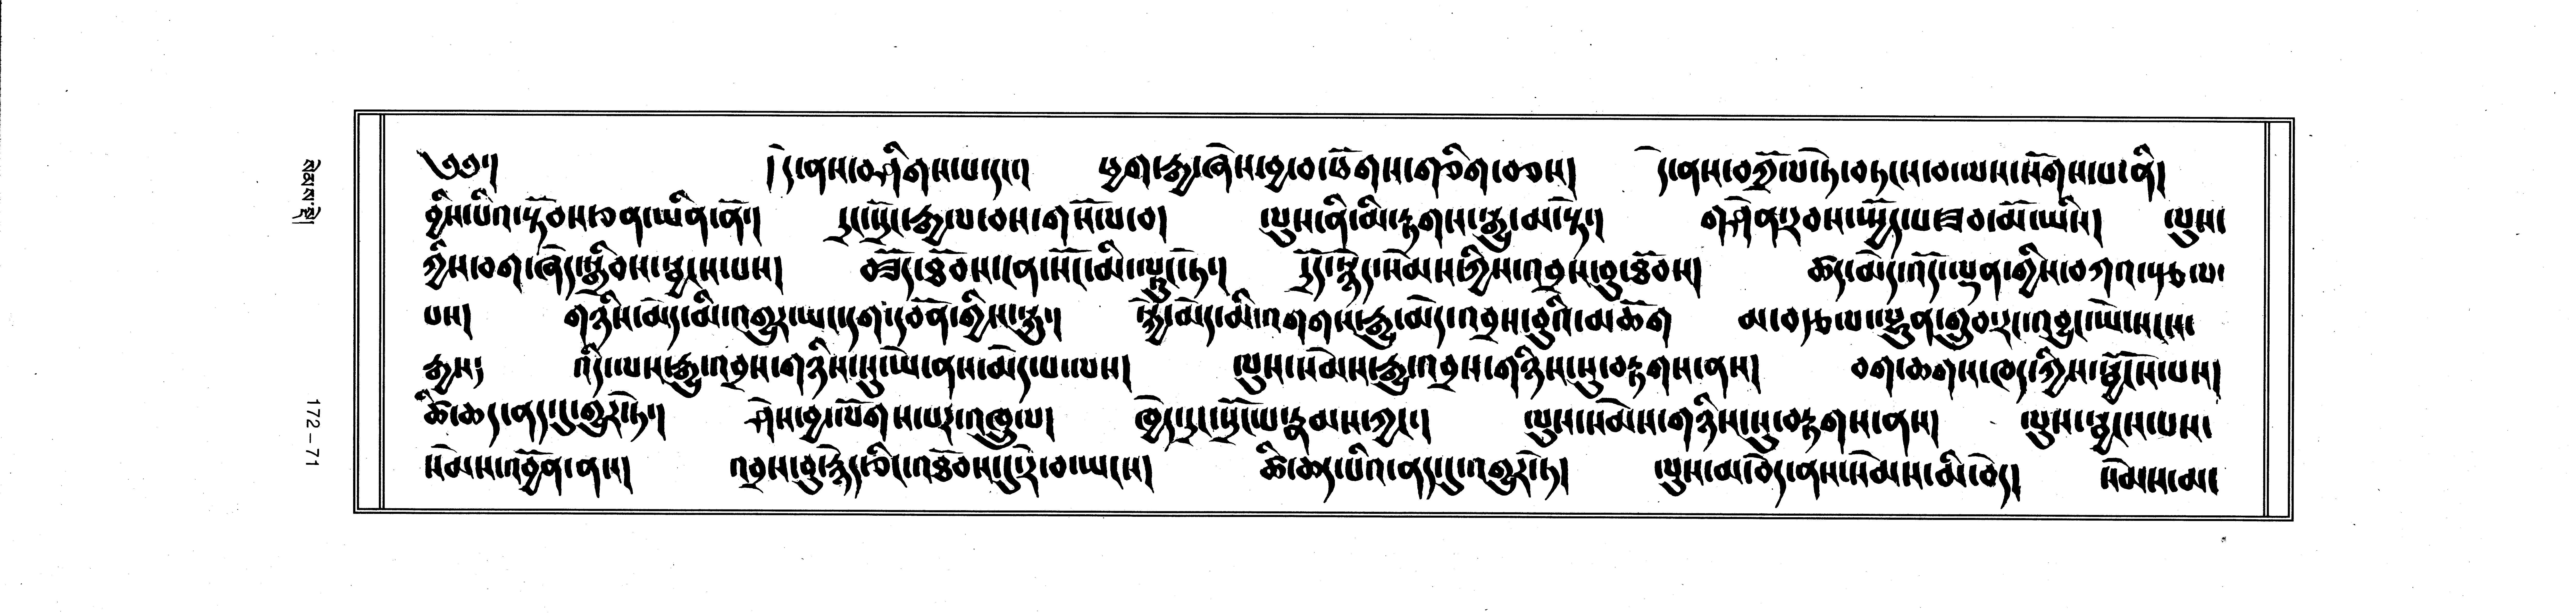དེ་ནས་བཤིགས་པ་དང་། ཕྱག་རྒྱ་ཞེས་བྱ་བ་ཕོགས་གཅིག་བཅས། དེ་ནས་བཀྲོལ་ཏེ་བཏངས་བ་ལས་སོགས་པ་ནི། 
བྱིས་པའི་སྟོབས་ཅན་ཡིན་ནོ། དྲང་སྲོང་རྒྱལ་བས་གསོལ་བ། ལུས་ནི་མི་རྟགས་སྒྱུ་མ་སྟེ། གཤེན་རབ་སྤྱོད་པ་ཟབ་མོ་ཡིས། ལུས་
ཀྱིས་བག་ཞེད་སྒྲིབས་སྦྱངས་པས། བཟོད་ཐོབས་ངན་སོང་མི་ལྟུང་ཏེ། དྲོད་སྙེད་སེམས་ཀྱིས་འབྲས་བུ་ཐོབས། ཚད་མེད་འོད་ལྡན་གྱིས་བཀའ་སྩལ་
པས། གཉིས་མེད་མི་འགྱུར་ཡང་དག་དབོན་གྱིས་སྐུ། སྐྱེ་མེད་མི་འགགས་རྒྱུ་མེད་འབྲས་བུའི་མཆོག མ་བརྩལ་ལྷུན་གྲུབ་རང་འབྱུང་ཡེ་སངས་
རྒྱས། འདི་ལས་རྒྱུ་འབྲས་གཉིས་སུ་ཡེ་ནས་མེད་པ་ལས། ལུས་སེམས་རྒྱུ་འབྲས་གཉིས་སུ་བརྟགས་ནས། བག་ཆགས་ཁད་ཀྱིས་སྦྱོངས་པས། 
ཚི་ཆད་ནད་དུ་གྱུར་ཏེ། ཤེས་བྱ་ལོག་པར་འཁྲུལ། ཁྱེད་དྲང་སྲོང་པ་རྣམས་ཀྱང་། ལུས་སེམས་གཉིས་སུ་བརྟགས་ནས། ལུས་སྦྱངས་པས་
སེམས་འབྱོན་ནས། འབྲས་བུ་རྙེད་ཅིང་འཐོབས་དུ་རེ་བ་ཡངས། ཚི་ཆད་པའི་ནད་དུ་འགྱུར་ཏེ། ལུས་མ་བདེ་ནས་སེམས་མི་བདེ། སེམས་མ་